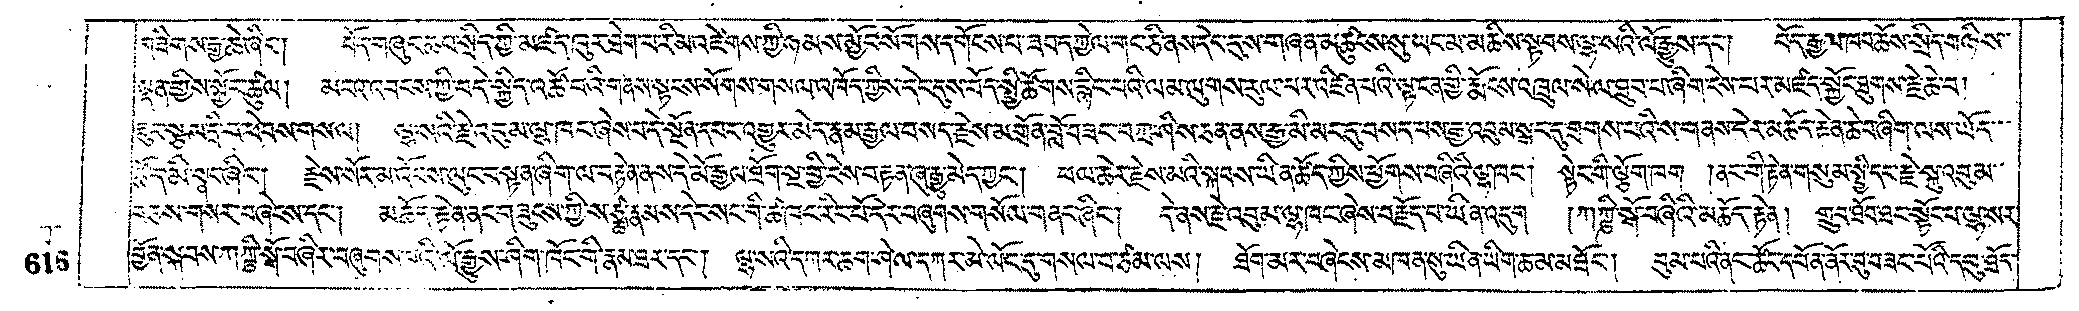གཟིགས་རྒྱ་ཆེ་ཞིང་། བོད་གཞུང་ཆབ་སྲིད་ཀྱི་མཛད་ཁུར་ཐེག་པ་རིམ་འཛེགས་ཀྱི་ཉམས་མྱོང་སོགས་དགོངས་པ་ཟབ་དཀྱེལ་གང་ཅི་ནས་དེང་དུས་གཞན་མཚུངས་སུ་ཡང་མ་མཆིས་སྟབས་ལྷ་སའི་ལོ་རྒྱུས་དང་། བོད་རྒྱལ་ཁབ་ཆོས་སྲིད་གཉིས་་་
ལྡན་གྱིས་སྐྱོང་ཚུལ། མངའ་འབངས་ཀྱི་བདེ་སྐྱིད་འཚོ་བའི་གནས་སྟངས་སོགས་གསལ་འཁོད་ཀྱིས་དེང་དུས་བོད་སྤྱི་ཚོགས་རྙིང་པའི་ལམ་ལུགས་རུལ་པར་འཛིན་པའི་ལྟ་ངན་གྱི་རྨོངས་འཁྲུལ་སེལ་ཐུབ་པ་ཞིག་ངེས་པར་མཛད་སྐྱོང་ཐུགས་རྗེ་ཆེ་བ།
ཟུར་སྩལ་དྲི་བ་ཕེབས་གསལ། ལྷ་སའི་རྗེ་འབུམ་ལྷ་ཁང་ཞེས་པ་དེ་སྔོན་དབང་འགྱུར་མེད་རྣམ་རྒྱལ་བསད་རྗེས་མགྲོན་བློ་བཟང་བཀྲ་ཤིས་ཅན་ནས་རྒྱ་མི་མང་དུ་བསད་པས་རྒྱ་འབུམ་སྒང་དུ་གྲགས་པའི་ས་གནས་དེར་མཆོད་རྟེན་ཆེ་བ་ཞིག་ལས་ཡོད་་་
ཚོད་མི་སྣང་ཞིང་། རྗེས་སོར་མ་འོངས་ལུང་བསྟན་ཞིག་ལ་བརྟེན་ནས་དེ་མོ་རྒྱལ་ཐོག་སྔ་ཕྱི་ངེས་བརྟན་ཞུ་རྒྱུ་མེད་ཀྱང་། ཕལ་ཆེར་རྗེས་མའི་སྐབས་ཡིན་ཚོད་ཀྱིས་ཕྱོགས་བཞིའི་ལྷ་ཁང་། སྟེང་གི་ལྕོག་ཁག །ནང་གི་རྟེན་གསུམ་སྤྱི་དང་རྗེ་སྐུ་འབུམ་་་
བཅས་གསར་བཞེངས་དང་། མཆོད་རྟེན་ནང་གཟུངས་ཀྱི་ས་ཙྪ་རྣམས་དེང་སང་གི་ཚ་ཁང་རིང་པོ་དེར་བཞུགས་གསོལ་གནང་ཞིང་། དེ་ནས་རྗེ་འབུམ་ལྷ་ཁང་ཞེས་བརྗོད་པ་ཡིན་འདུག །ཀཀྞི་སྒོ་བཞིའི་མཆོད་རྟེན། གྲུབ་ཐོབ་ཐང་སྟོང་པ་ལྷ་སར་
བྱོན་སྐབས་ཀཀྞི་སྒོ་བཞིར་བཞུགས་པའི་ལོ་རྒྱུས་ཤིག་ཁོང་གི་རྣམ་ཐར་དང་། ལྷ་སའི་དཀར་ཆག་ཤེལ་དཀར་མེ་ལོང་དུ་གསལ་བ་ཙམ་ལས། ཐོག་མར་བཞེངས་མཁན་སུ་ཡིན་ཡིག་ཆ་མ་མཐོང་། བུམ་པའི་ནང་ཚོང་དཔོན་ནོར་བུ་བཟང་པོའི་དབུ་ཐོད་